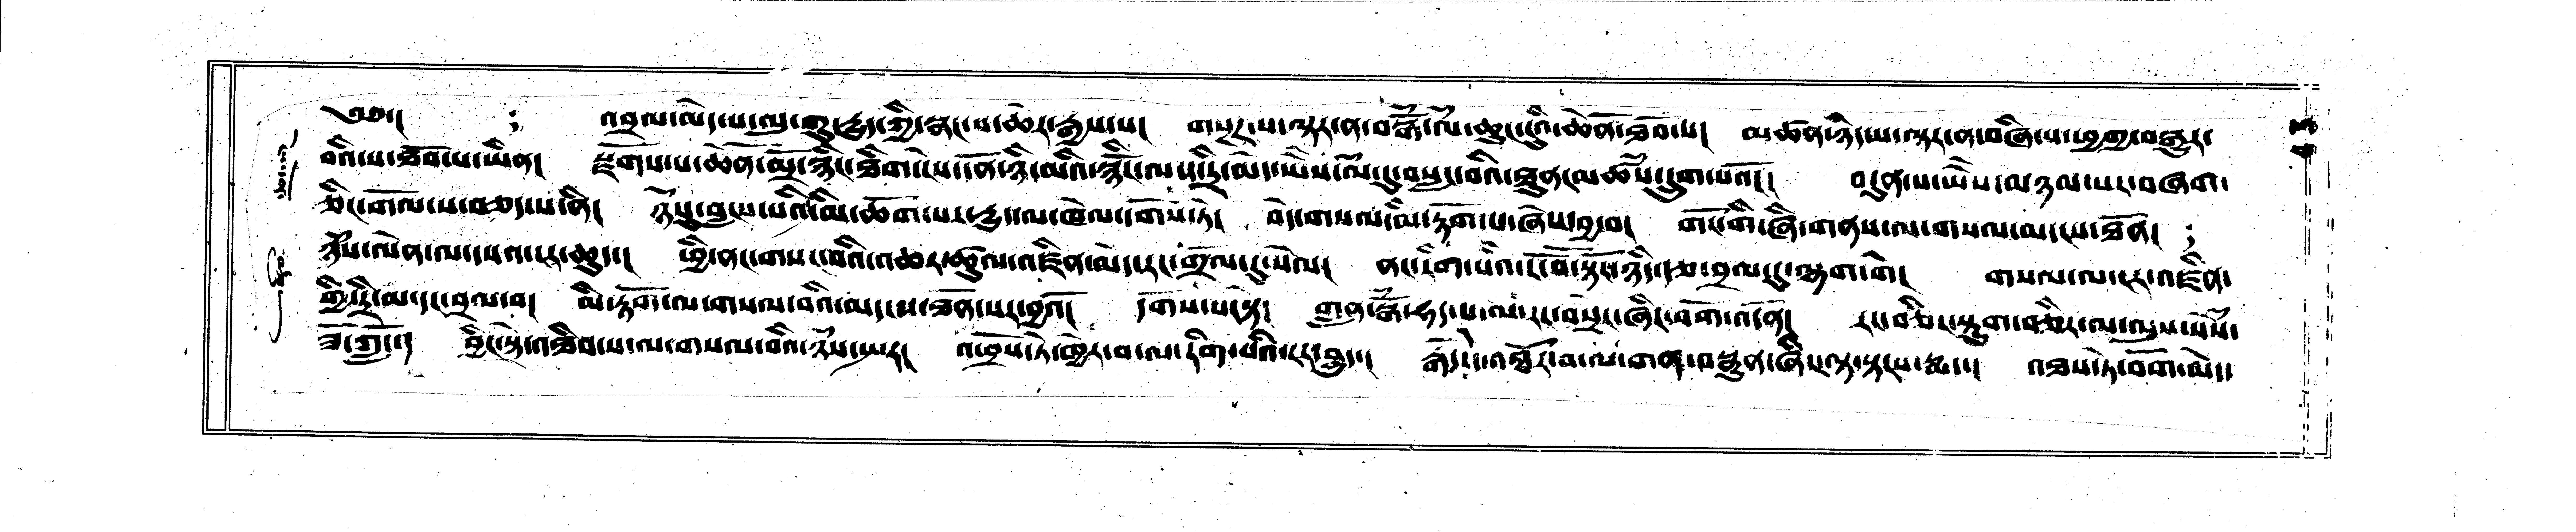འབྲལ་མེད་པ་ལུ་གུ་རྒྱུད་ཀྱི་སྣང་བ་ཆེར་རྒྱས་པ། གསང་སྔགས་པ་ལྟར་ན་སྒོམ་ལམ་ཆེན་པོའི་ཆེན་པོ་ཐོབ་པ། མཚན་ཉིད་པ་ལྟར་ན་བཞི་པ་ཕྱག་རྒྱུ་བསྒྱུར་
བའི་ས་ཐོབ་པ་ཡིན། ། །རྫོགས་པ་ཆེན་པོ་མཁའ་འགྲོ་སྙིང་ཐིག་ངེས་དོན་ཉི་མའི་སྙིང་པོ་ལས། དྲི་མེད་ཡེ་ཤེས་ལམ་དུ་བསླང་བའི་ཐུན་མཚམས་དྲུག་པའོ།། །།བདུན་པ་ཡེ་ཤེས་མཉམ་པར་བཞག་
ཅིང་གོལ་ས་བཅད་པ་ནི། ཉམས་སུ་བླང་བས་མི་ཆོག་རྒྱུད་ལ་ཁེལ་དགོས་ཏེ། བདེ་གསལ་མི་རྟོག་པ་ཞེས་བྱ་བ། གོང་གི་ཞི་གནས་ལ་གསལ་མདངས་ཐོན། 
ཉམས་ལེན་ལ་དཔའ་ངར་ཆུད། ཕྱི་ནང་གསང་བའི་འཆར་ཚུལ་འཛིན་མེད་རང་གྲོལ་དུ་སལེ། ནང་རིག་པའི་ངོ་བོ་སྟོང་ཉིད་རྩ་བྲལ་དུ་ལྷག་གེ གསལ་ལ་ངར་འཛིན་
གྱི་དྲི་མ་དང་བྲལ་བ། མི་རྟོག་ལ་གསལ་བའི་མདངས་ཐོན་པ་བྱའོ། །དགོས་པ་སྟེ། གླེན་སྒོམ་ཧད་པ་རང་བསྲེང་ཞིང་བོགས་འདོན། རང་བཅིང་སྡུག་བཅིར་ལ་ལུས་སེམས་
ཟོ་ཀློད། བྱིང་སྟེ་འཐིབས་པ་ལ་གསལ་བའི་ཉམས་སྤར། འཕྲོས་ཏེ་ཁྱེར་བ་ལ་རིག་པའི་ངར་བླུད། རྒོད་དེ་འཐོར་བ་ལ་གན་བསྣུན་ཞིང་ལྟ་སྟངས་སྨད། འཐས་ཏེ་བོགས་མེད་